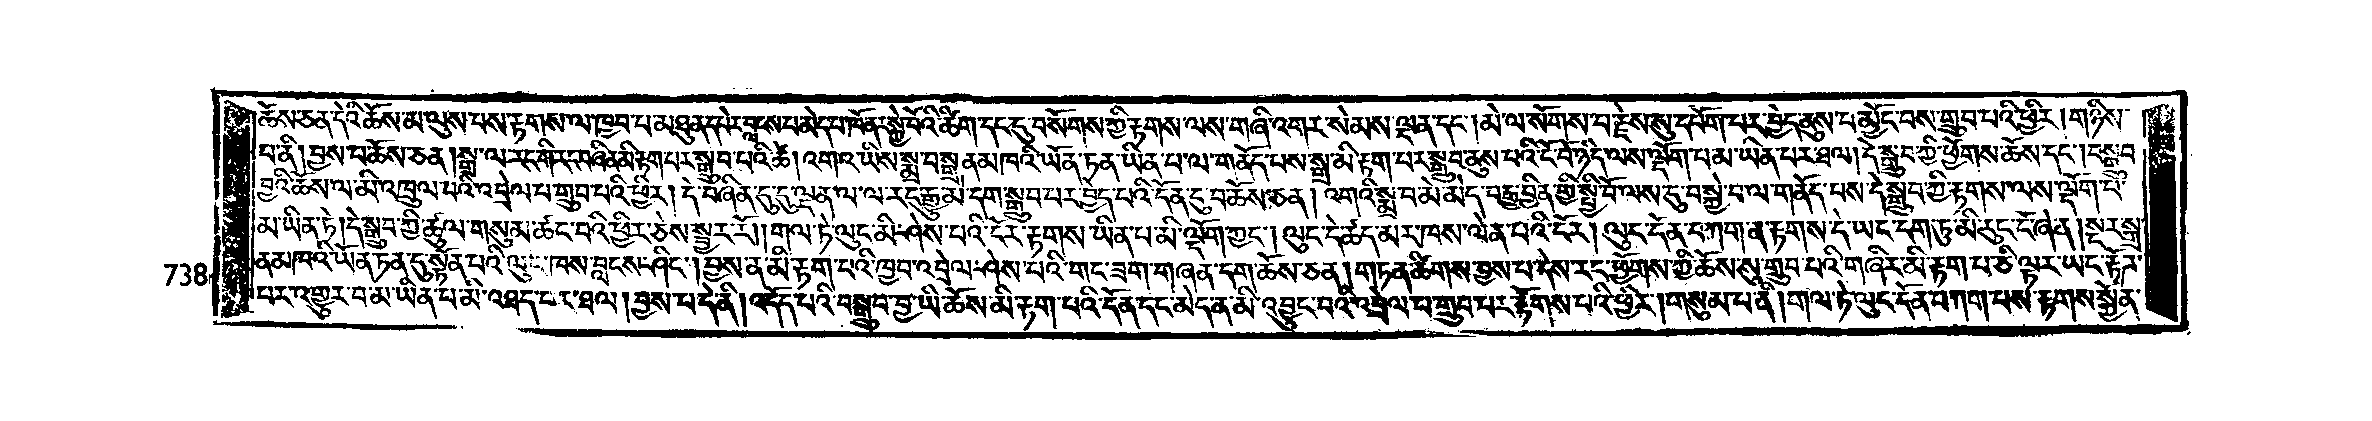ཆོས་ཅན་དེའི་ཆོས་མ་ལུས་པས་རྟགས་ལ་ཁྱབ་པ་མཐུན་དཔེར་བླངས་པ་མེད་པ་ཁོ་ནར་སྐྱེ་བོའི་ཚིག་དང་དུ་བ་སོགས་ཀྱི་རྟགས་ལས་གཞི་འགར་སེམས་ལྡན་དང་། མེ་ལ་སོགས་པ་རྗེས་སུ་དཔོག་པར་བྱེད་ནུས་པ་མྱོང་བས་གྲུབ་པའི་ཕྱིར། གཉིས་
པ་ནི། བྱས་པ་ཆོས་ཅན། སྒྲ་ལ་རང་གི་རང་བཞིན་མི་རྟག་པར་སྒྲུབ་པའི་ཚེ། འགའ་ཡིས་སྨྲ་བ་སྒྲ་ནམ་མཁའི་ཡོན་ཏན་ཡིན་པ་ལ་གནོད་པས་སྒྲ་མི་རྟག་པར་སྒྲུབ་ནུས་པའི་ངོ་བོ་ཉིད་ལས་ལྡོག་པ་མ་ཡིན་པར་ཐལ། དེ་སྒྲུབ་ཀྱི་ཕྱོགས་ཆོས་དང་། བསྒྲུབ་
བྱའི་ཆོས་ལ་མི་འཁྲུལ་པའི་འབྲེལ་པ་གྲུབ་པའི་ཕྱིར། དེ་བཞིན་དུ་དུ་ལྡན་ལ་ལ་རང་རྒྱུ་མེ་དག་སྒྲུབ་པར་བྱེད་པའི་དོན་དུ་བ་ཆོས་ཅན། འགའི་སྨྲ་བ་མེ་མེད་བརྒྱ་བྱིན་གྱི་སྤྱི་བོ་ལས་དུ་བསྐྱེ་བ་ལ་གནོད་པས་དེ་སྒྲུབ་ཀྱི་རྟགས་ལས་ལྡོག་པ་
མ་ཡིན་ཏེ། དེ་སྒྲུབ་ཀྱི་ཚུལ་གསུམ་ཚང་བའི་ཕྱིར་ཅེས་སྦྱར་རོ། །གལ་ཏེ་ལུང་མི་ཤེས་པའི་ངོར་རྟགས་ཡིན་པ་མི་ལྡོག་ཀྱང་། ལུང་དེ་ཚད་མར་ཁས་ལེན་པའི་ངོར། ལུང་དོན་བཀག་ན་རྟགས་དེ་ཡང་དག་ཏུ་མི་རུང་ངོ་ཞེ་ན། སྔར་སྒྲ་
ནམ་མཁའི་ཡོན་ཏན་དུ་སྟོན་པའི་ལུང་ཁས་བླངས་ཤིང་། བྱས་ན་མི་རྟག་པའི་ཁྱབ་འབྲེལ་ཤེས་པའི་གང་ཟག་གཞན་དག་ཆོས་ཅན། གཏན་ཚིགས་བྱས་པ་དེས་རང་ཕྱོགས་ཀྱི་ཆོས་སུ་གྲུབ་པའི་གཞིར་མི་རྟག་པ་ཅི་ལྟར་ཡང་རྟོཌ་
པར་འགྱུར་བ་མ་ཡིན་པ་མི་འཐད་པར་ཐལ། བྱས་པ་དེ་ནི། འདོད་པའི་བསྒྲུབ་བྱ་ཡི་ཆོས་མི་རྟག་པའི་དོན་དང་མེད་ན་མི་འབྱུང་བའི་འབྲེལ་པ་གྲུབ་པར་རྟོགས་པའི་ཕྱིར། གསུམ་པ་ནི། གལ་ཏེ་ལུང་དོན་བཀག་པས་རྟགས་སྐྱོན་